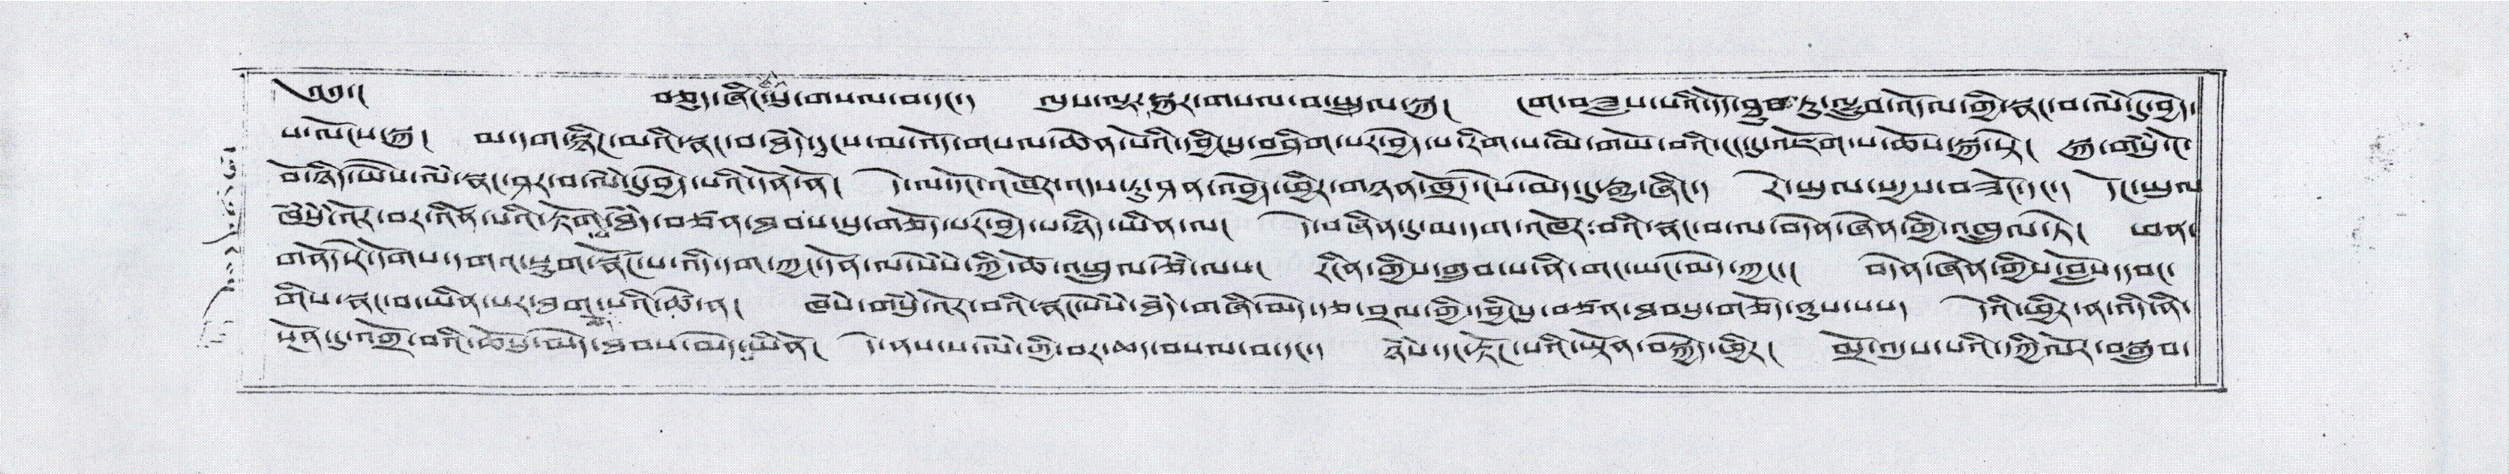བཅུད་ཞིང་ཁམས་སུ་གསལ་བ་དང་། ལུས་ལྷ་སྐུར་གསལ་བ་སྤྲུལ་སྐུ། ངག་བཟླས་པའི་དོད་ཐུབ་ཏུ་ལྷུན་གྲུབ་འོད་གསལ་གྱི་སྣང་བ་ལམ་དུ་བྱེད་
པ་ལོངས་སྐུ། མ་དག་སྙིགས་མའི་སྣང་བ་ཐམས་ཅད་དྭངས་མ་འོད་གསལ་ཆེན་པོའི་དབྱིངས་སུ་བཤིག་པར་བྱེད་པ་རིག་པ་མི་གཡོ་བའི་ངང་དུ་འཇོག་པ་ཆོས་སྐུ་སྟེ། སྐུ་གསུམ་ངོ་
བོ་ཉིད་ལམ་སྣང་ཤར་བ་ལམ་དུ་བྱེད་པའི་དོན་ནོ། དེ་ལ་དང་པོ་འཁོར་འདས་རུ་ཤན་འབྱེད་ཕྱིར་གཉན་ཁྲོད་ངེས་མེད་དུ་རྒྱུ་ཞིང་། རེ་ཡུལ་སངས་རྒྱས་བཟང་པོ་དང་། དྭོགས་ཡུལ་
ཁམས་གསུམ་འཁོར་བར་འཛིན་པའི་རྟོག་པ་ཐམས་ཅད་བཙན་ཐབས་སུ་གཅོད་པར་བྱེད་པ་ཉིད་ཡིན་ལ། དེ་བཞིན་དུ་མ་དག་འཁོར་བའི་སྣང་བ་ལ་བདེན་ཞེན་དུ་འཁྲུལ་ནས། ཕན་
གནོད་རེ་དྭོགས་དགའ་སྡུག་སྣ་ཚོགས་པ་འདི་དག་དོན་ལ་སེམས་ཀྱི་ཆོ་འཕྲུལ་ཙམ་ལས། རང་བཞིན་གྱིས་གྲུབ་པ་གང་ཡང་མེད་ཀྱང་། བདེན་ཞེན་གྱིས་བློས་དབང་
གིས་སྣང་བ་ཡིན་པར་ཐག་ཆོད་པའི་ཚེ་ན། ཁམས་གསུམ་འཁོར་བའི་སྣང་སེམས་ཐམས་ཅད་གཞི་མེད་རྩ་བྲལ་གྱི་དབྱིོངས་སུ་བཙན་ཐབས་སུ་གཅོད་ནུས་པས། དེའི་ཕྱིར་ན་འདི་ནི་
སྔོན་དུ་འགྲོ་བའི་ཆོས་སུ་མེད་ཐབས་མེད་པ་ཡིན་ནོ། དེ་ནས་ས་ལམ་གྱི་བར་ཆད་བསལ་བ་དང་། ཉམས་དང་རྟོགས་པའི་ཡོན་ཏན་བསྐྱེད་ཕྱིར། མཁའ་འགྲོ་འདུས་པའི་དཀྱིལ་འཁོར་བསྒྲུབ་